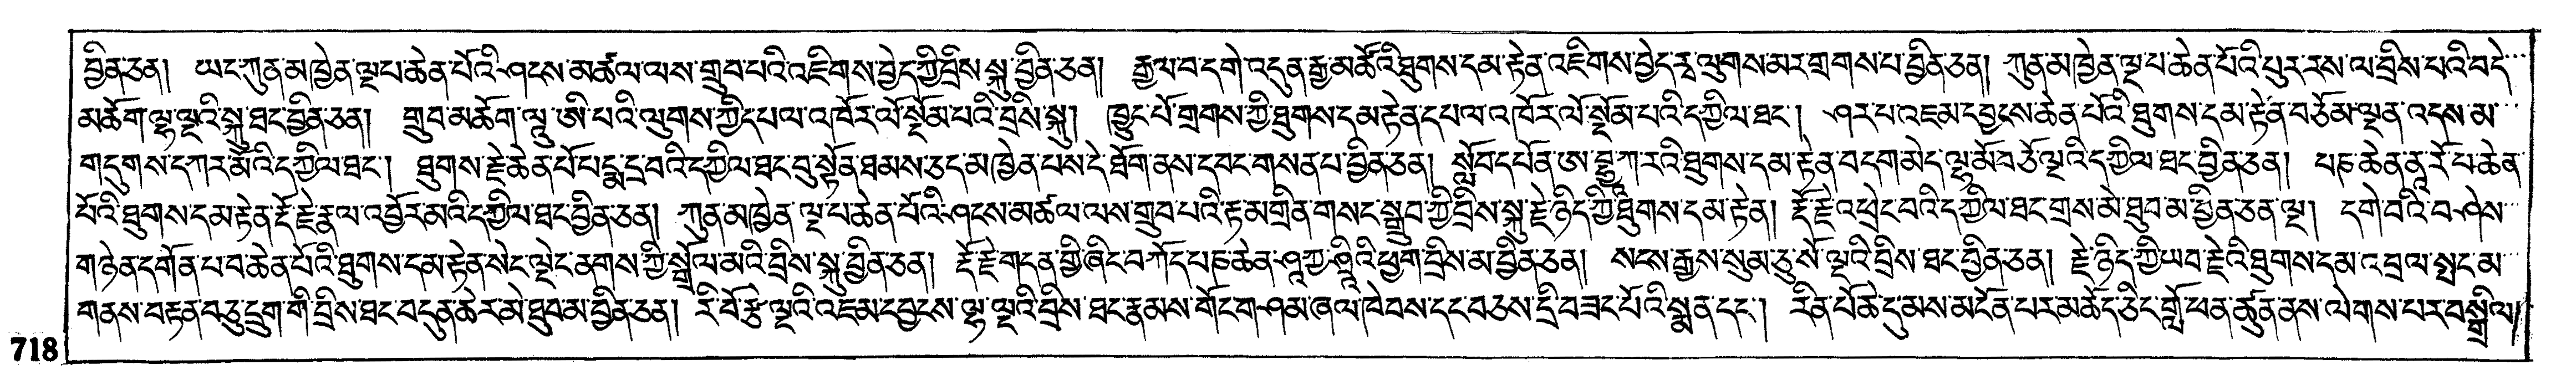བྱིན་ཅན། ཡང་ཀུན་མཁྱེན་ལྔ་པ་ཆེན་པོའི་ཤངས་མཚལ་ལས་གྲུབ་པའི་འཇིགས་བྱེད་ཀྱི་བྲིས་སྐུ་བྱིན་ཅན། རྒྱལ་བ་དགེ་འདུན་རྒྱ་མཚོའི་ཐུགས་དམ་རྟེན་འཇིགས་བྱེད་རྭ་ལུགས་མར་གྲགས་པ་བྱིན་ཅན། ཀུན་མཁྱེན་ལྔ་པ་ཆེན་པོའི་པུར་རས་ལ་གྲིས་པའི་བདེ་
མཆོག་ལྷ་ལྔའི་སྐུ་ཐང་བྱིན་ཅན། གྲུབ་མཆོག་ལཱུ་ཨི་པའི་ལུགས་ཀྱི་དཔལ་འཁོར་ལོ་སྡོམ་པའི་བྲིས་སྐུ། ཁྱུང་པོ་གྲགས་ཀྱི་ཐུགས་དམ་རྟེན་དཔལ་འཁོར་ལོ་སྡོམ་པའི་དཀྱིལ་ཐང་། ཤར་པ་འཇམ་དབྱངས་ཆེན་པོའི་ཐུགས་དམ་རྟེན་བཅོམ་ལྡན་འདས་མ་
གདུགས་དཀར་མོའི་དཀྱིལ་ཐང་། ཐུགས་རྗེ་ཆེན་པོ་པདམ་དྲ་བའི་དཀྱིལ་ཐང་བུ་སྟོན་ཐམས་ཅད་མཁྱེན་པས་དེ་ཐོག་ནས་དབང་གསན་པ་བྱིན་ཅན། སློབ་དཔོན་ཨ་བྷྱཱ་ཀ་རའི་ཐུགས་དམ་རྟེན་བདག་མེད་ལྷ་མོ་བཅོ་ལྔའི་དཀྱིལ་ཐང་བྱིན་ཅན། པཎ་ཆེན་ནཱ་རོ་པ་ཆེན་
པོའི་ཐུགས་དམ་རྟེན་རྡོ་རྗེ་རྣལ་འབྱོར་མའི་དཀྱིལ་ཐང་བྱིན་ཅན། ཀུན་མཁྱེན་ལྔ་པ་ཆེན་པོའི་ཤངས་མཚལ་ལས་གྲུབ་པའི་རྟ་མགྲིན་གསང་སྒྲུབ་ཀྱི་བྲིས་སྐུ་རྗེ་ཉིད་ཀྱི་ཐུགས་དམ་རྟེན། རྡོ་རྗེ་འཕྲེང་བའི་དཀྱིལ་ཐང་གྲས་མེ་ཐུབ་མ་བྱིན་ཅན་ལྔ། དགེ་བའི་བཤེས་
གཉེན་དགོན་པ་བ་ཆེན་པོའི་ཐུགས་དམ་རྟེན་སེང་ལྡེང་ནགས་ཀྱི་སྒྲོལ་མའི་བྲིས་སྐུ་བྱིན་ཅན། རྡོ་རྗེ་གདན་གྱི་ཞིང་བཀོད་པཎ་ཆེན་ཤཱཀྱ་ཤྲཱིའི་ཕྱག་བྲིས་མ་བྱིན་ཅན། སངས་རྒྱས་སུམ་ཅུ་སོ་ལྔའི་བྲིས་ཐང་བྱིན་ཅན། རྗེ་ཉིད་ཀྱི་ཡག་རྗེའི་ཐུགས་དམ་འབྲལ་སྤང་མ་
གནས་བརྟན་བཅུ་དྲུག་གི་བྲིས་ཐང་བདུན་ཚར་མེ་ཐུབ་མ་བྱིན་ཅན། རི་བོ་རྩེ་ལྔའི་འཇམ་དབྱངས་ལྷ་ལྔའི་བྲིས་ཐང་རྣམས་གོང་གཤམ་ཞལ་ཁེབས་དང་བཅས་དྲི་བཟང་པོའི་སྨན་དང་། རིན་པོ་ཆེ་དུ་མས་མངོན་པར་མཆོད་ཅིང་གློ་ཕན་ཚུན་ནས་ལེགས་པར་བསྒྲིལ།